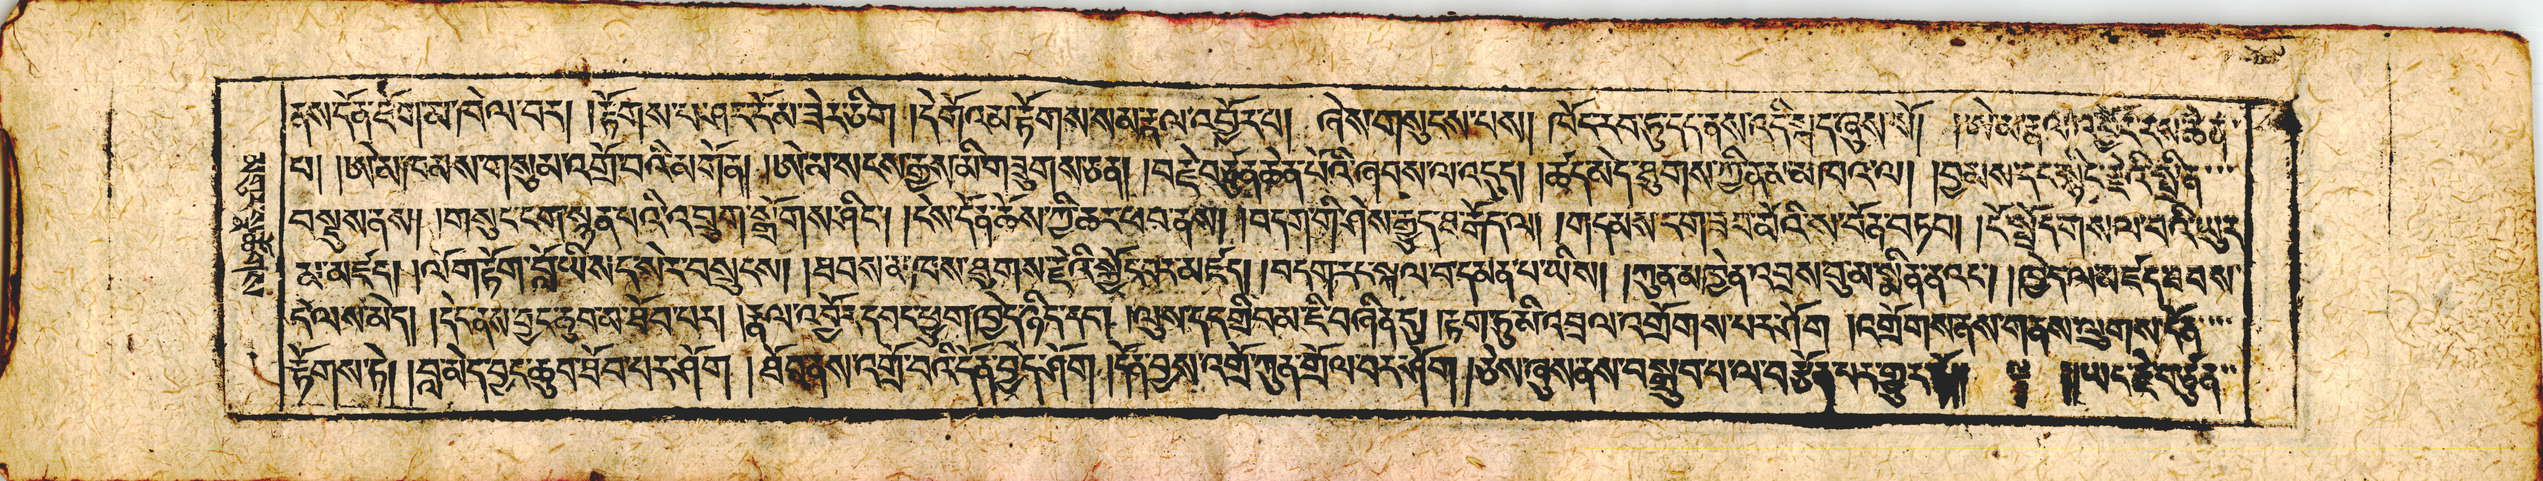ནས་དོན་ཐོག་མ་ཁེལ་བར། །རྟོགས་པ་ཤར་རོ་མ་ཟེར་ཅིག །དེ་གོ་འམ་རྟོགས་སམ་རྣལ་འབྱོར་པ། ཞེས་གསུངས་པས། ཁོང་རབ་ཏུ་དད་ནས་འདི་སྐད་ཞུས་སོ། །ཨེ་མ་རྣལ་འབྱོར་རས་ཆེན་
པ། །ཨེ་མ་ཁམས་གསུམ་འགྲོ་བའི་མགོན། །ཨེ་མ་སངས་རྒྱས་མི་གཟུགས་ཅན། །རྗེ་བཙུན་ཆེན་པོའི་ཞབས་ལ་འདུད། །ཚད་མེད་ཐུགས་ཀྱི་ནམ་མཁའ་ལ། །བྱམས་དང་སྙིང་རྗེའི་སྤྲིན་
བསྡུས་ནས། །གསུང་ངག་སྙན་པའི་འབྲུག་སྒྲོགས་ཤིང་། །ངེས་དོན་ཆོས་ཀྱི་ཆར་ཕབ་ནས། །བདག་གི་ཤེས་རྒྱུད་ཐ་རྒོད་ལ། །གདམས་དག་ཟབ་མོའི་ས་བོན་བཏབ། །ངོ་སྤྲོད་གསལ་བའི་ཡུར་
མ་མཛད། །ལོག་རྟོག་བློ་ཡི་སད་སེར་བསྲུངས། །ཐབས་མཁས་ཐུགས་རྗེའི་སྐྱོང་བར་མཛད། །བདག་རང་སྐལ་བ་དམན་པ་ཡིས། །ཀུན་མཁྱེན་འབྲས་བུ་མ་སྨིན་ནའང་། །ཁྱེད་ལ་མཛད་ཐབས་
དེ་ལས་མེད། །དེང་ནས་བྱང་ཆུབ་མ་ཐོབ་པར། །རྣལ་འབྱོར་དབང་ཕྱུག་ཁྱེད་ཉིད་དང་། །ལུས་དང་གྲིབ་མ་ཇི་བཞིན་དུ། །རྟག་ཏུ་མི་འབྲལ་འགྲོགས་པར་ཤོག །འགྲོགས་ནས་གནས་ལུགས་དོན་
རྟོགས་ཏེ། །བླ་མེད་བྱང་ཆུབ་ཐོབ་པར་ཤོག །ཐོབ་ནས་འགྲོ་བའི་དོན་བྱེད་ཤོག །དོན་བྱས་འགྲོ་ཀུན་གྲོལ་བར་ཤོག། ཅེས་ཞུས་ནས་བསྒྲུབ་པ་ལ་བརྩོན་པར་གྱུར་ཏོ། ༈ ཡང་རྗེ་བཙུན་